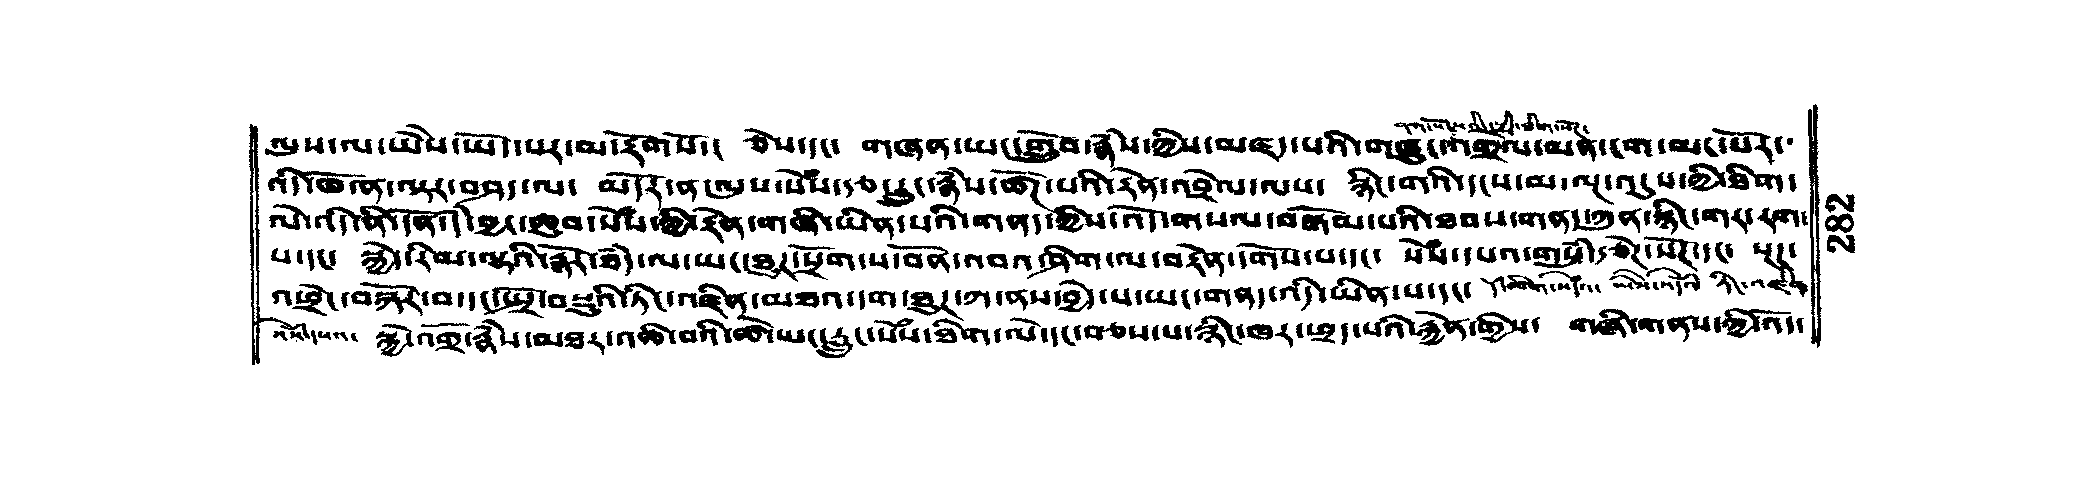།ལུས་ལ་ཡེ་ཤེས་ཡོད་པར་མ་རྟོགས་སོ། ཞེས་དང་། གཞན་ཡང་གྲུབ་ཐོབ་རྣམས་ཀྱིས་མཛད་པའི་གཞུང་འགྲེལ་མན་ངག་མང་པོར་
འདི་ཁོ་ན་ལྟར་བཤད་ལ། མདོར་ན་ལུས་སེམས་རྩ་རླུང་རྣམས་ཚོགས་པའི་རྟེན་འབྲེལ་ལས། སྙིང་གའི་དྭངས་མ་ལྔ་འདུས་ཀྱི་ཐིག་
ལེ་འདི་ནི་དོན་དམ་བྱང་ཆུབ་སེམས་ཀྱི་རྟེན་གཞི་ཡིན་པའི་གནད་ཀྱིས་འོད་གསལ་བསྒོམ་པའི་ཐབས་གནད་ཀུན་སྙིང་གར་རིག་
པ་དང་། བསྐྱེད་རིམ་ལྷའི་རྣལ་འབྱོར་ཐམས་ཅད་ལ་ཡང་ཐུགས་སྲོག་ས་བོན་འབའ་ཤིག་ལ་བརྟེན་དགོས་པ་དང་། སེམས་དཔའ་གསུམ་རྩེགས་སོགས་དང་། སྔགས་
འཕྲེང་བསྐོར་བ་དང་སྤྲོ་བསྡུའི་ཏིང་འཛིན་མཐའ་དག་ཐུགས་ཀ་ནས་བྱེད་པ་ཡང་གནད་འདི་ཡིན་པ་དང་། ་་་་
སྐྱེ་འགྲོ་རྣམས་མཐར་འཆི་བའི་ཚེ་ཡང་རླུང་སེམས་ཐིག་ལེ་དང་བཅས་པ་སྙིང་ཁར་ཕྲད་པའི་རྐྱེན་གྱིས། གཞི་གནས་ཀྱི་འོད་